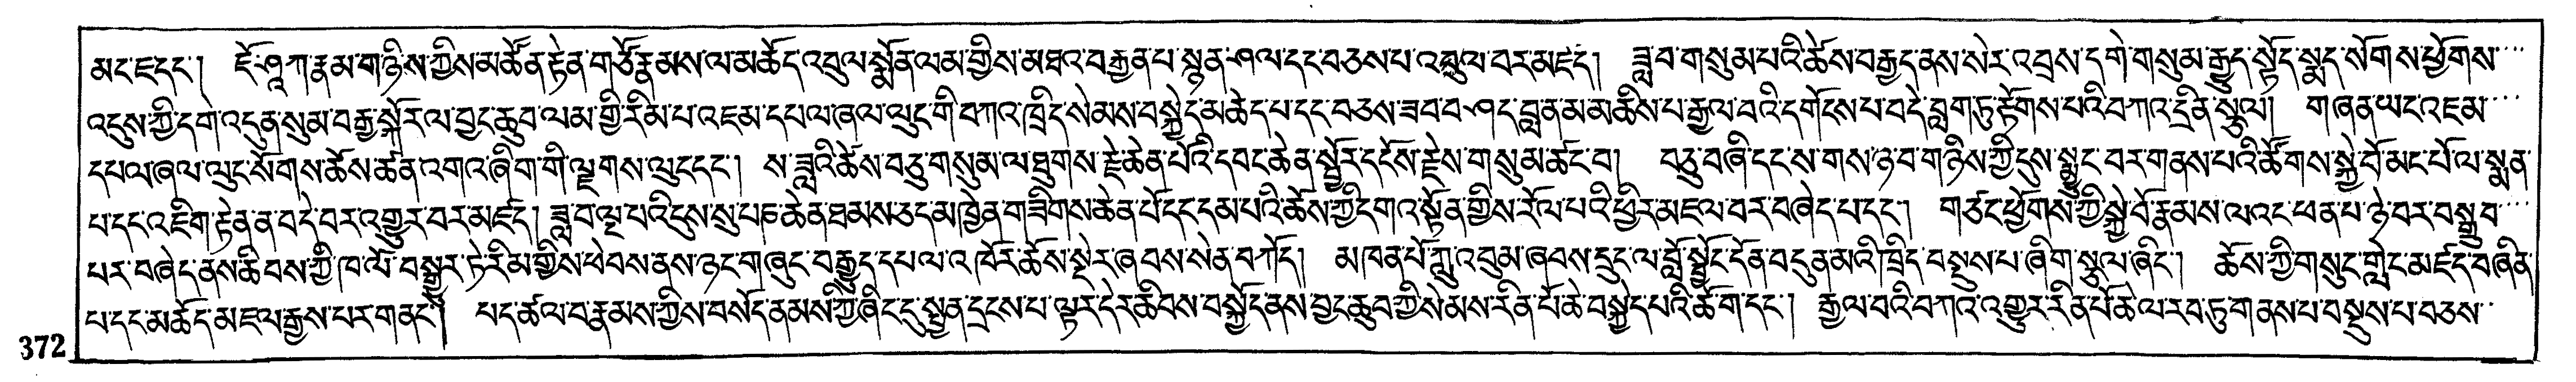མང་ཇ་དང་། ཇོ་ཤཱཀ་རྣམ་གཉིས་ཀྱིས་མཚོན་རྟེན་གཙོ་རྣམས་ལ་མཆོད་འབུལ་སྨོན་ལམ་གྱིས་མཐའ་བརྒྱན་པ་སྙན་ཤལ་དང་བཅས་པ་འབུལ་བར་མཛད། ཟླ་བ་གསུམ་པའི་ཚེས་བརྒྱད་ནས་སེར་འབྲས་དགེ་གསུམ་རྒྱུད་སྟོད་སྨད་སོགས་ཕྱོགས་
འདུས་ཀྱི་དགེ་འདུན་སུམ་བརྒྱ་སྐོར་ལ་བྱང་ཆུབ་ལམ་གྱི་རིམ་པ་འཇམ་དཔལ་ཞལ་ལུང་གི་བཀའ་ཁྲིད་སེམས་བསྐྱེད་མཆོད་པ་དང་བཅས་ཟབ་བཤད་བླ་ན་མ་མཆིས་པ་རྒྱལ་བའི་དགོངས་པ་བདེ་བླག་ཏུ་རྟོགས་པའི་བཀའ་དྲིན་སྩལ། གཞན་ཡང་འཇམ་
དཔལ་ཞལ་ལུང་སོགས་ཆོས་ཚན་འགའ་ཞིག་གི་ལྗགས་ལུང་དང་། ས་ཟླའི་ཚེས་བཅུ་གསུམ་ལ་ཐུགས་རྗེ་ཆེན་པོའི་དབང་ཆེན་སྦྱོར་དངོས་རྗེས་གསུམ་ཚང་བ། བཅུ་བཞི་དང་ས་གས་ཉ་བ་གཉིས་ཀྱི་དུས་སྨྱུང་བར་གནས་པའི་ཚོགས་སྐྱེ་བོ་མང་པོ་ལ་སྨན་
པ་དང་འཇིག་རྟེན་ན་བདེ་བར་འགྱུར་བར་མཛད། ཟླ་བ་ལྔ་པའི་དུས་སུ་པཎ་ཆེན་ཐམས་ཅད་མཁྱེན་གཟིགས་ཆེན་པོ་དང་དམ་པའི་ཆོས་ཀྱི་དགའ་སྟོན་གྱིས་རོལ་པའི་ཕྱིར་མཇལ་བར་བཞེད་པ་དང་། གཙང་ཕྱོགས་ཀྱི་སྐྱེ་པོ་རྣམས་ལའང་ཕན་པ་ཉེ་བར་བསྒྲུབ་
པར་བཞེད་ནས་ཆིབས་ཀྱི་ཁ་ལོ་བསྒྱུར་ཏེ་རིམ་གྱིས་ཕེབས་ནས་ཉང་གཞུང་བརྒྱུད་དཔལ་འཁོར་ཆོས་སྡེར་ཞབས་སེན་བཀོད། མཁན་པོ་ཀླུ་འབུམ་ཞབས་དྲུང་ལ་བློ་སྦྱོང་དོན་བདུན་མའི་ཁྲིད་བསྡུས་པ་ཞིག་སྩལ་ཞིང་། ཆོས་ཀྱི་གསུང་གླེང་མཛད་བཞིན་
པ་དང་མཆོད་མཇལ་རྒྱས་པར་གནང་། པད་ཚད་བ་རྣམས་ཀྱིས་བསོད་ནམས་ཀྱི་ཞིང་དུ་སྤྱན་དྲངས་པ་ལྟར་དེར་ཆིབས་བསྐྱོད་ནས་བྱང་ཆུབ་ཀྱི་སེམས་རིན་པོ་ཆེ་བསྐྱོད་པའི་ཆོ་ག་དང་། རྒྱལ་བའི་བཀའ་འགྱུར་རིན་པོ་ཆ་ལ་རབ་ཏུ་གནས་པ་བསྡུས་པ་བཅས་